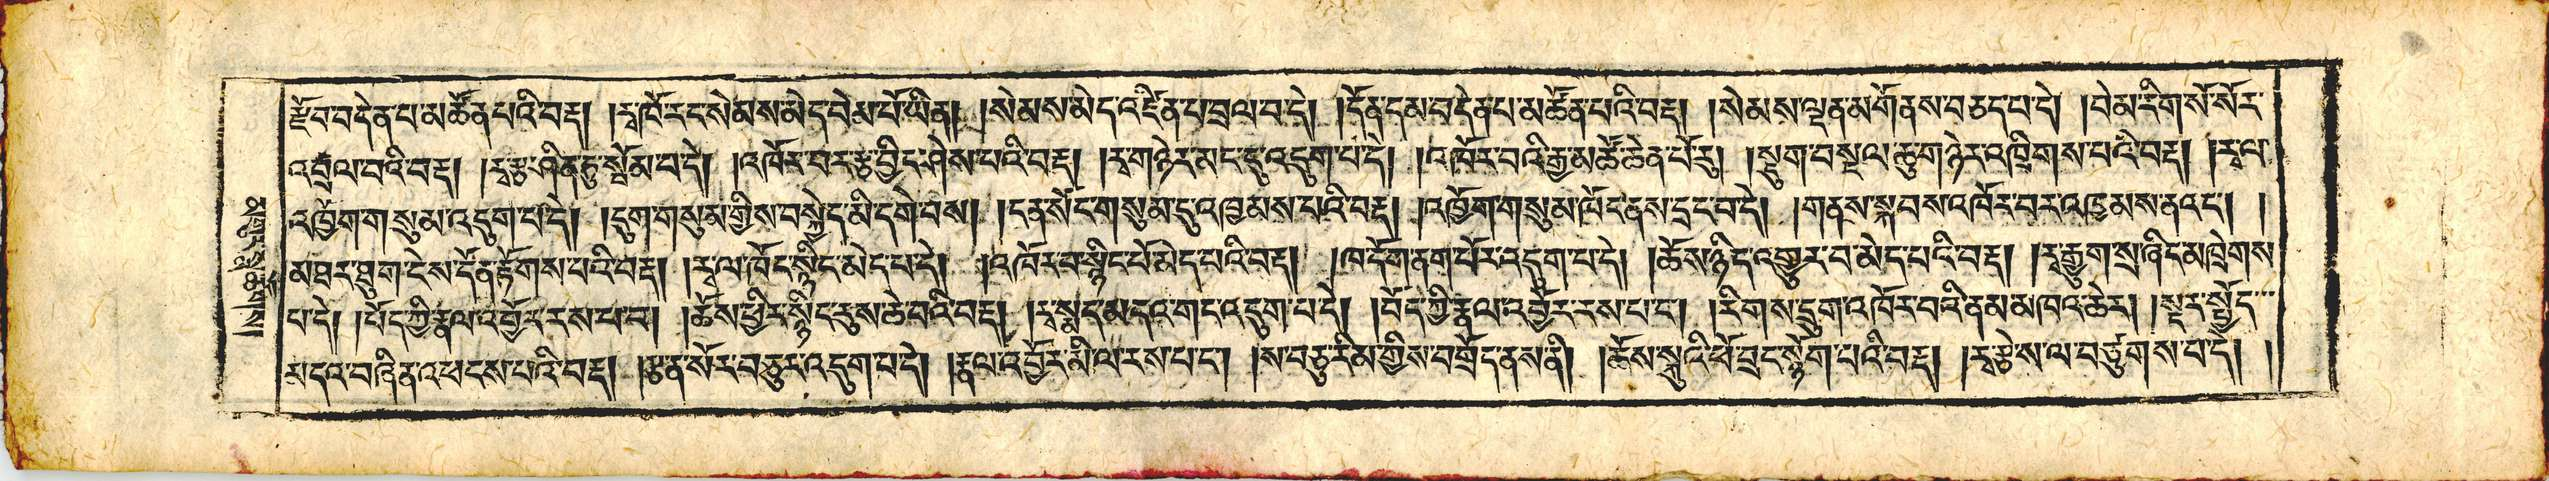རྫོབ་བདེན་པ་མཚོན་པའི་བརྡ། །རྭ་ཁོ་རང་སེམས་མེད་བེམ་པོ་ཡིན། །སེམས་མེད་འཛིན་པ་བྲལ་བ་དེ། །དོན་དམ་བདེན་པ་མཚོན་པའི་བརྡ། །སེམས་ལྡན་མགོ་ནས་བཅད་བ་དེ། །བེམ་རིག་སོ་སོར་
འབྲེལ་བའི་བརྡ། །རྭ་རྩ་ཤིན་ཏུ་སྦོམ་པ་དེ། །འཁོར་བར་རྩ་བྱིང་ཤེས་པའི་བརྡ། །རྭ་གཉེར་མང་དུ་འདུག་པ་དེ། །འཁོར་བའི་རྒྱ་མཚོ་ཆེན་པོ་རུ། །སྡུག་བསྔལ་ཆུ་གཉེར་འཁྲིགས་པའི་བརྡ། །རྭ་ལ་
འཁྱོག་གསུམ་འདུག་པ་དེ། །དུག་གསུམ་གྱིས་བསྐྱེད་མི་དགེ་བས། །ངན་སོང་གསུམ་དུ་འཁྱམས་པའི་བརྡ། །འཁྱོག་གསུམ་ཁོང་ནས་དྲང་བ་དེ། །གནས་སྐབས་འཁོར་བར་འཁྱམས་ནའང་། །
མཐར་ཐུག་ངེས་དོན་རྟོགས་པའི་བརྡ། །རྭ་ལ་ཁོང་སྙིང་མེད་པ་དེ། །འཁོར་བ་སྙིང་པོ་མེད་པའི་བརྡ། །ཁ་དོག་ནག་པོར་འདུག་པ་དེ། །ཆོས་ཉིད་འགྱུར་བ་མེད་པའི་བརྡ། །རྭ་རྒྱུག་སྲ་ཞིང་མཁྲེགས
པ་དེ། །བོད་ཀྱི་རྣལ་འབྱོར་རས་པ་ང། །ཆོས་ཕྱིར་སྙིང་རུས་ཆེ་བའི་བརྡ། །རྭ་སྨད་མདའ་གང་འདུག་པ་དེ། །བོད་ཀྱི་རྣལ་འབྱོར་རས་པ་ང་། །རིགས་དྲུག་འཁོར་བའི་ནམ་མཁའ་ཆེར། །སྡར་སྤྱོད་
མདའ་བཞིན་འཕངས་པའི་བརྡ། །རྩ་ན་སོར་བཅུར་འདུག་པ་དེ། །རྣལ་འབྱོར་མི་ལ་རས་པ་ང་། །ས་བཅུ་རིམ་གྱིས་བགྲོད་ནས་ནི། །ཆོས་སྐུའི་ཕོ་བྲང་སྙོག་པའི་བརྡ། །རྭ་རྩེ་ས་ལ་བཙུགས་པ་དེ།